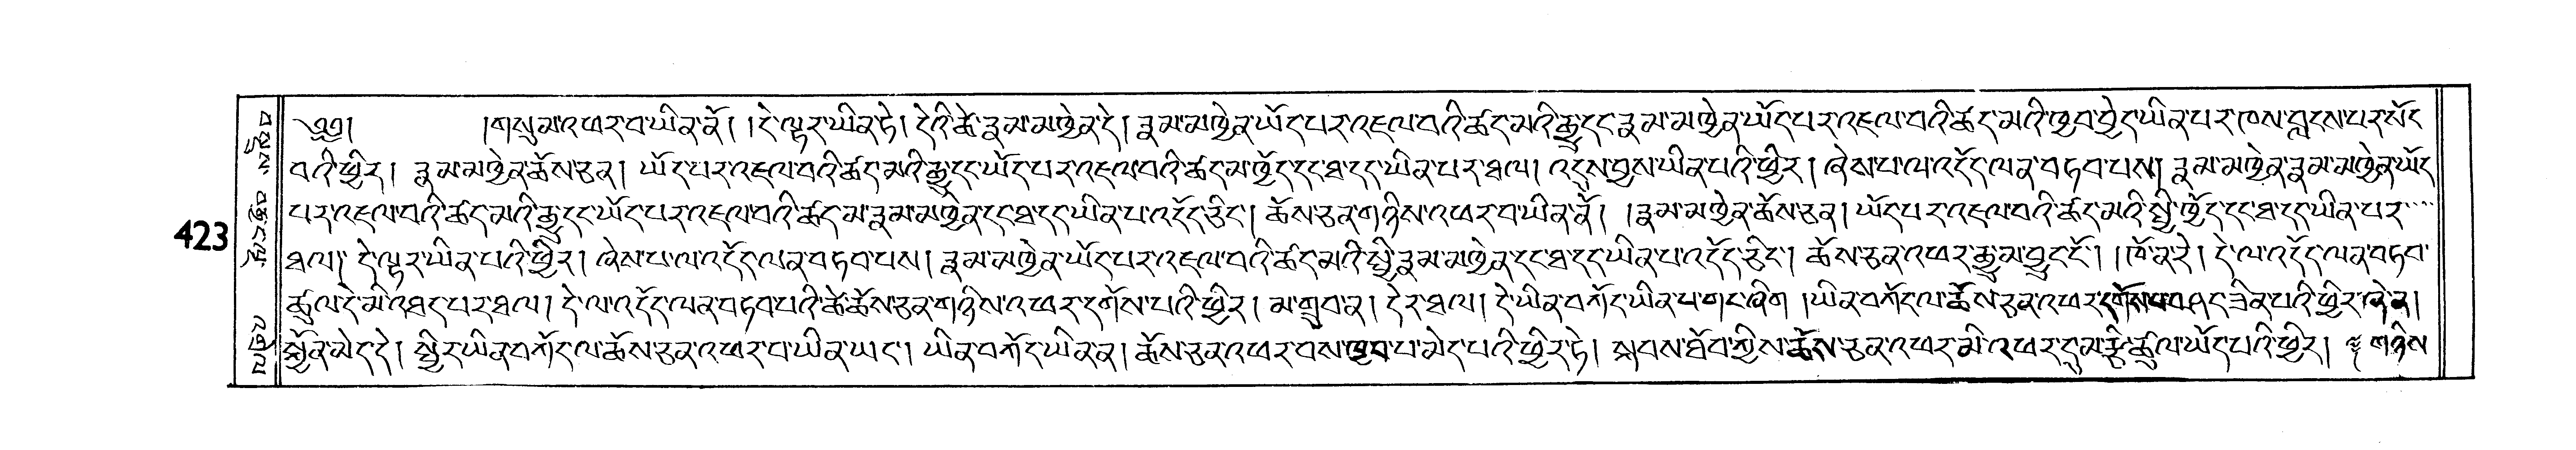༄༅། །གསུམ་འཕར་པ་ཡིན་ནོ། །དེ་ལྟར་ཡིན་ཏེ། དེའི་ཚེ་ཟམ་མཁྱེན་དེ། ཟམ་མཁྱེན་ཡོད་པར་འཇལ་བའི་ཚད་མའི་རྱྒུ་དང་རྣམ་མཁྱེན་ཡུཨོད་པར་འཇམ་པའི་ཚད་མའི་ཁྱབ་བྱེད་ཡིན་པར་ཁས་བླངས་པར་སོང་
བའི་ཕྱིར། རྣམ་མཁྱེན་ཆོས་ཅན། ཡོད་པར་འཇལ་བའི་ཚད་མའི་རྒྱུད་ནག་ཡོད་པར་འཇལ་བའི་ཚད་མ་ཁྱོད་དད་ཐ་དད་ཡིན་པར་ཐལ། འདུས་བྱས་ཡིན་པའི་ཕྱིར། ཞེས་པ་ལ་འདོད་ལན་བཏབ་པས། རྣམ་མཁྱེན་རྣམ་མཁྱེན་ཡོད་
པར་འཇལ་བའི་ཚད་མའི་རྒྱུ་དང་ཡོད་པར་འཇལ་བའི་ཚད་མ་ཟམ་མཁྱེན་དང་ཐ་དད་ཡིན་པ་འདོད་ཅིང་། ཆོས་ཅན་གཉིས་འཕར་བ་ཡིན་ནོ། །རྣམ་མཁྱེན་ཆོས་ཅན། ཡོད་པར་འཇལ་བའི་ཚད་མའི་སྤྱི་ཁྱོད་དང་ཐ་དད་ཡིན་པར་
ཐལ༑ དེ་ལྟར་ཡིན་བའི་ཕྱིར། ཞེས་པ་ལ་འདོད་ལན་བཏབ་པས། རྣམ་མཁྱེན་ཡོད་པར་འཇམ་བའི་ཚད་མའི་སྤྱི་རྣམ་མཁྱེན་དང་ཐ་དད་ཡིན་པ་འདོད་ཅིང་། ཆོས་ཅན་འཕར་རྒྱུ་མ་བྱུང་ངོ། །ཁོ་ན་རེ། དེ་ལ་འདོད་ལན་བཏབ་
ཚུལ་དེ་མི་འཐད་པར་ཐལ། དེ་ལའདོད་ལན་བཏབ་པའི་ཚེ་ཚེས་ཅན་གཉིས་འཕར་དགོས་པའི་ཕྱིར། མ་གྲུབ་ན། དེར་ཐལ། དེ་ཡིན་བཀོང་ཡིན་པ་གང་ཞིག། །ཡིན་བཀོང་ལ་ཆོས་ཅན་འཕར་དགོས་པ་བཤད་ཟིན་པའི་ཕྱིར་ཞེ་ན།
སྐྱོན་མེད་དེ། སྤྱིར་ཡིན་བཀོད་ལ་ཆོས་ཅན་འཕར་བ་ཡིན་ཡང་། ཡིན་བཀོང་ཡིན་ན། ཆོས་ཅན་འཕར་བས་ཁྱབ་པ་མེད་པའི་ཕྱིར་ཏེ། སྐབས་ཐོབ་ཀྱིས་ཆྶོ་ཅན་འཕར་མི་འཕར་དུ་ཨམ་རྩི་ཚུལ་ཡོད་པའི་ཕྱིར། །གཉིས་